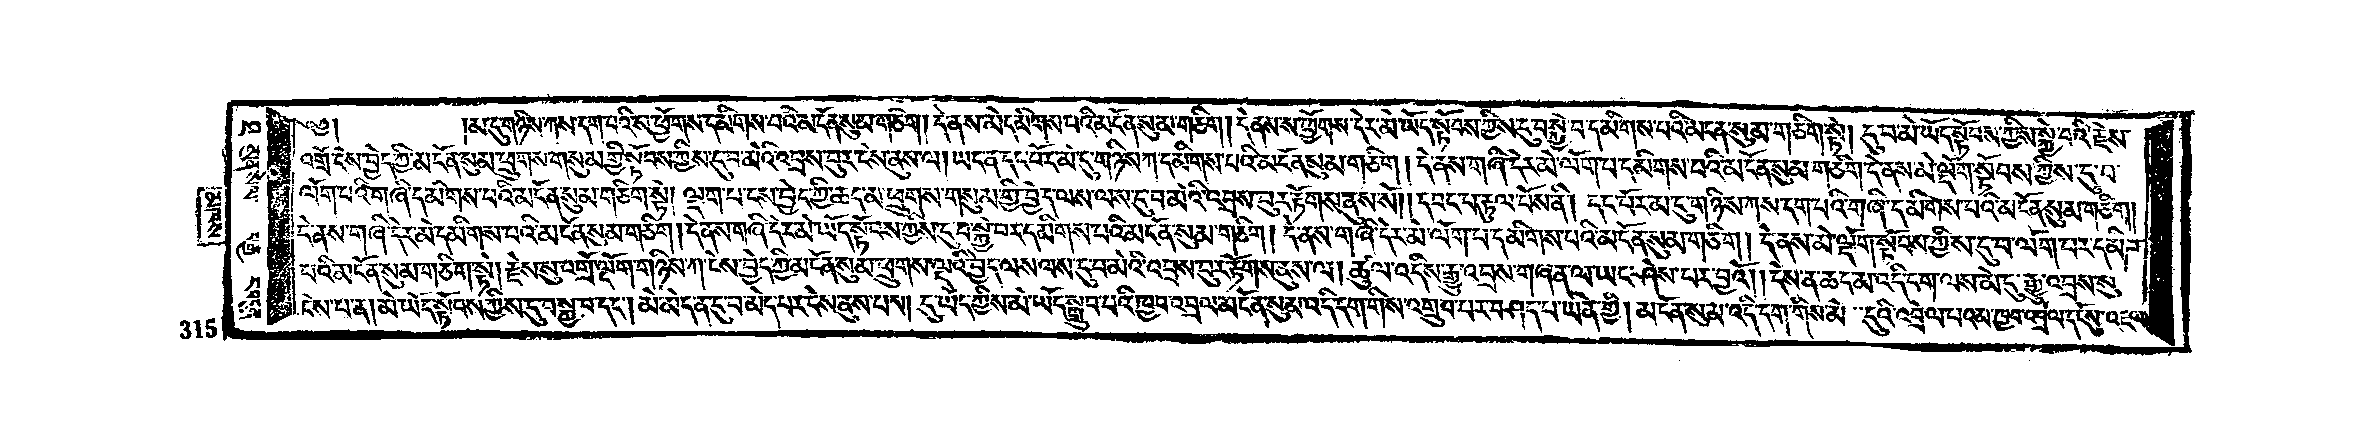༄༅། །མེ་དུ་གཉིས་ཀས་དག་པའི་ས་ཕྱོགས་དམིགས་པའི་མངོན་སུམ་གཅིག །དེ་ནས་མེ་དམིགས་པའི་མངོན་སུམ་གཅིག །དེ་ནས་ས་ཕྱོགས་དེར་མེ་ཡོད་སྟོབས་ཀྱིས་དུ་བ་སྐྱེ་བ་དམིགས་པའི་མངོན་སུམ་གཅིག་སྟེ། དུ་བ་མེ་ཡོད་སྟོབས་ཀྱིས་སྐྱེ་བའི་རྗེས་
འགྲོ་ངེས་བྱེད་ཀྱི་མངོན་སུམ་ཕྲུགས་གསུམ་གྱི་སྟོབས་ཀྱིས་དུ་བ་མེའི་འབྲས་བུར་ངེས་ནུས་ལ། ཡང་ན་དང་པོར་མེ་དུ་གཉིས་ཀ་དམིགས་པའི་མངོན་སུམ་གཅིག །དེ་ནས་གཞི་དེར་མེ་ལོག་པ་དམིགས་པའི་མངོན་སུམ་གཅིག་དེ་ནས་མེ་ལྡོག་སྟབས་ཀྱིས་དུ་བ་
ལོག་པའི་གཞི་དམིགས་པའི་མངོན་སུམ་གཅིག་སྟེ། ལྡོག་པ་ངས་བྱེད་ཀྱི་ཚད་མ་ཕྲུགས་གསུམ་གྱི་བྱེད་ལས་ལས་དུ་བ་མེའི་འབྲས་བུར་རྟོགས་ནུས་སོ། །དབང་པོ་རྟུལ་པོས་ནི། དང་པོར་མེ་དུ་གཉིས་ཀས་དག་པའི་གཞི་དམིགས་པའི་མངོན་སུམ་གཅིག །
དེ་ནས་གཞི་དེར་མེ་དམིགས་པའི་མངོན་སུམ་གཅིག །དེ་ནས་གཞི་དེར་མེ་ཡོད་སྟོབས་ཀྱིས་དུ་བ་སྐྱེ་བར་དམིགས་པའི་མངོན་སུམ་གཅིག །དེ་ནས་གཞི་དེར་མེ་ལོག་པ་དམིགས་པའི་མངོན་སུམ་གཅིག །དེ་ནས་མེ་ལྡོག་སྟོབས་ཀྱིས་དུ་བ་ལོག་པར་དམིགས་
པའི་མངོན་སུམ་གཅིག་སྟེ། རྗེས་སུ་འགྲོ་ལྡོག་གཉིས་ཀ་ངེས་བྱེད་ཀྱི་མངོན་སུམ་ཕྲུགས་ལྔའི་བྱེད་ལས་ལས་དུ་བ་མེའི་འབྲས་བུར་རྟོགས་ནུས་ལ། ཚུལ་འདིས་རྒྱུ་འབྲས་གཞན་ལ་ཡང་ཤེས་པར་བྱའོ། །དེས་ན་ཚད་མ་འདི་དག་ལས་མེ་དུ་རྒྱུ་འབྲས་སུ་
ངེས་པ་ན། མེ་ཡོད་སྟོབས་ཀྱིས་དུ་བ་སྐྱེ་བ་དང་། མེ་མེད་ན་དུ་བ་མེད་པར་ངེས་ནུས་པས། དུ་ཡོད་ཀྱིས་མེ་ཡོད་སྒྲུབ་པའི་ཁྱབ་འབྲལ་མངོན་སུམ་འདི་དག་གིས་འགྲུབ་པར་བཤད་པ་ཡིན་གྱི། མངོན་སུམ་འདི་དག་གིས་མེ་དུའི་འབྲེལ་པའམ་ཁྱབ་འབྲེལ་དངོས་སུ་འཇལ་